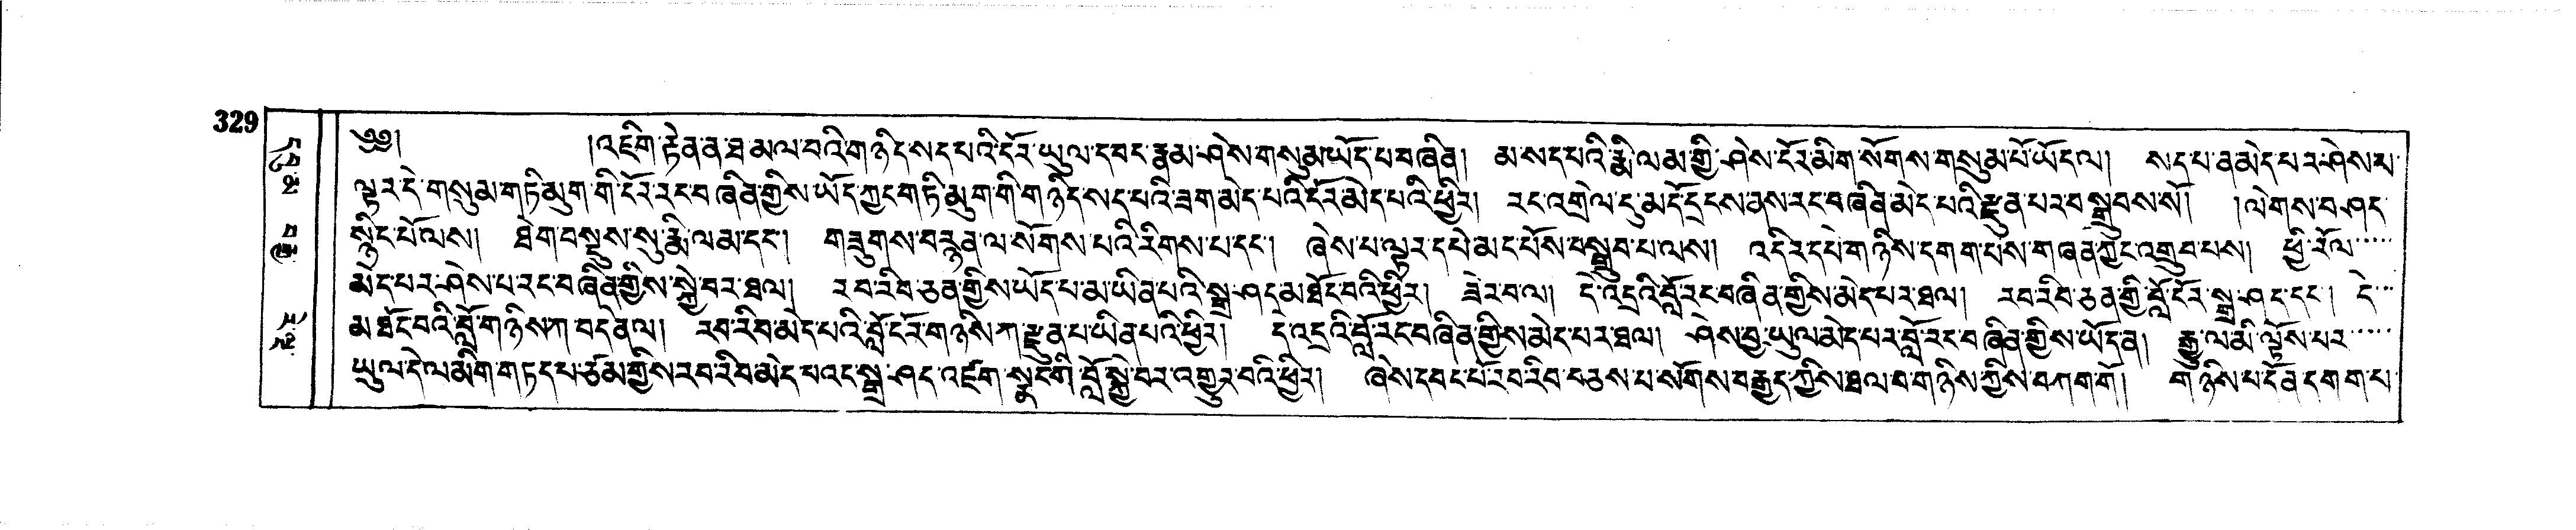༄༅། །འཇིག་རྟེན་ན་ཐ་མལ་བའི་གཉིད་སད་པའི་ངོར་ཡུལ་དབང་རྣམ་ཤེས་གསུམ་ཡོད་པ་བཞིན། མ་སད་པའི་རྨི་ལམ་གྱི་ཤེས་ངོར་མིག་སོགས་གསུམ་པོ་ཡོད་ལ། སད་པ་ན་མེད་པར་ཤེས་པ་
ལྟར་དེ་གསུམ་གཏི་མུག་གི་ངོར་རང་བཞིན་གྱིས་ཡོད་ཀྱང་གཏི་མུག་གི་གཉིད་སད་པའི་ཟག་མེད་པའི་ངོར་མེད་པའི་ཕྱིར། རང་འགྲེལ་དུ་མདོ་དྲངས་ནས་རང་བཞིན་མེད་པའི་རྫུན་པར་བསྒྲུབས་སོ། །ལེགས་བཤད་
སྙིང་པོ་ལས། ཐེག་བསྡུས་སུ་རྨི་ལམ་དང་། གཟུགས་བརྙན་ལ་སོགས་པའི་རིགས་པ་དང་། ཞེས་པ་ལྟར་དཔེ་མང་པོས་བསྒྲུབ་པ་ལས། འདིར་དཔེ་གཉིས་དགག་པས་གཞན་ཀྱང་འགྲུབ་པས། ཕྱི་རོལ་
མེད་པར་ཤེས་པ་རང་བཞིན་གྱིས་སྐྱེ་བར་ཐལ། རབ་རིབ་ཅན་གྱིས་ཡོད་པ་མ་ཡིན་པའི་སྒྲ་ཤད་མཐོང་བའི་ཕྱིར། ཟེར་བ་ལ། དེ་འདྲའི་བློ་རང་བཞིན་གྱིས་མེད་པར་ཐལ། རབ་རིབ་ཅན་གྱི་བློ་ངོར་སྒྲ་ཤད་དང་། དེ་
མཐོང་བའི་བློ་གཉིས་ཀ་བདེན་ལ། རབ་རིབ་མེད་པའི་བློ་ངོར་གཉིས་ཀ་རྫུན་པ་ཡིན་པའི་ཕྱིར། དེ་འདྲའི་བློ་རང་བཞིན་གྱིས་མེད་པར་ཐལ། ཤེས་བྱ་ཡུལ་མེད་པར་བློ་རང་བཞིན་གྱིས་ཡོད་ན། རྒྱུ་ལ་མི་ལྟོས་པར་
ཡུལ་དེ་ལ་མིག་གཏད་པ་ཙམ་གྱིས་རབ་རིབ་མེད་པའང་སྒྲ་ཤད་འཛག་སྣང་གི་བློ་སྐྱེ་བར་འགྱུར་བའི་ཕྱིར། ཞེས་དབང་པོ་རབ་རིབ་བཅས་པ་སོགས་བརྒྱད་ཀྱིས་ཐལ་བ་གཉིས་ཀྱིས་བཀག་གོ །གཉིས་པ་དོན་དགག་པ་